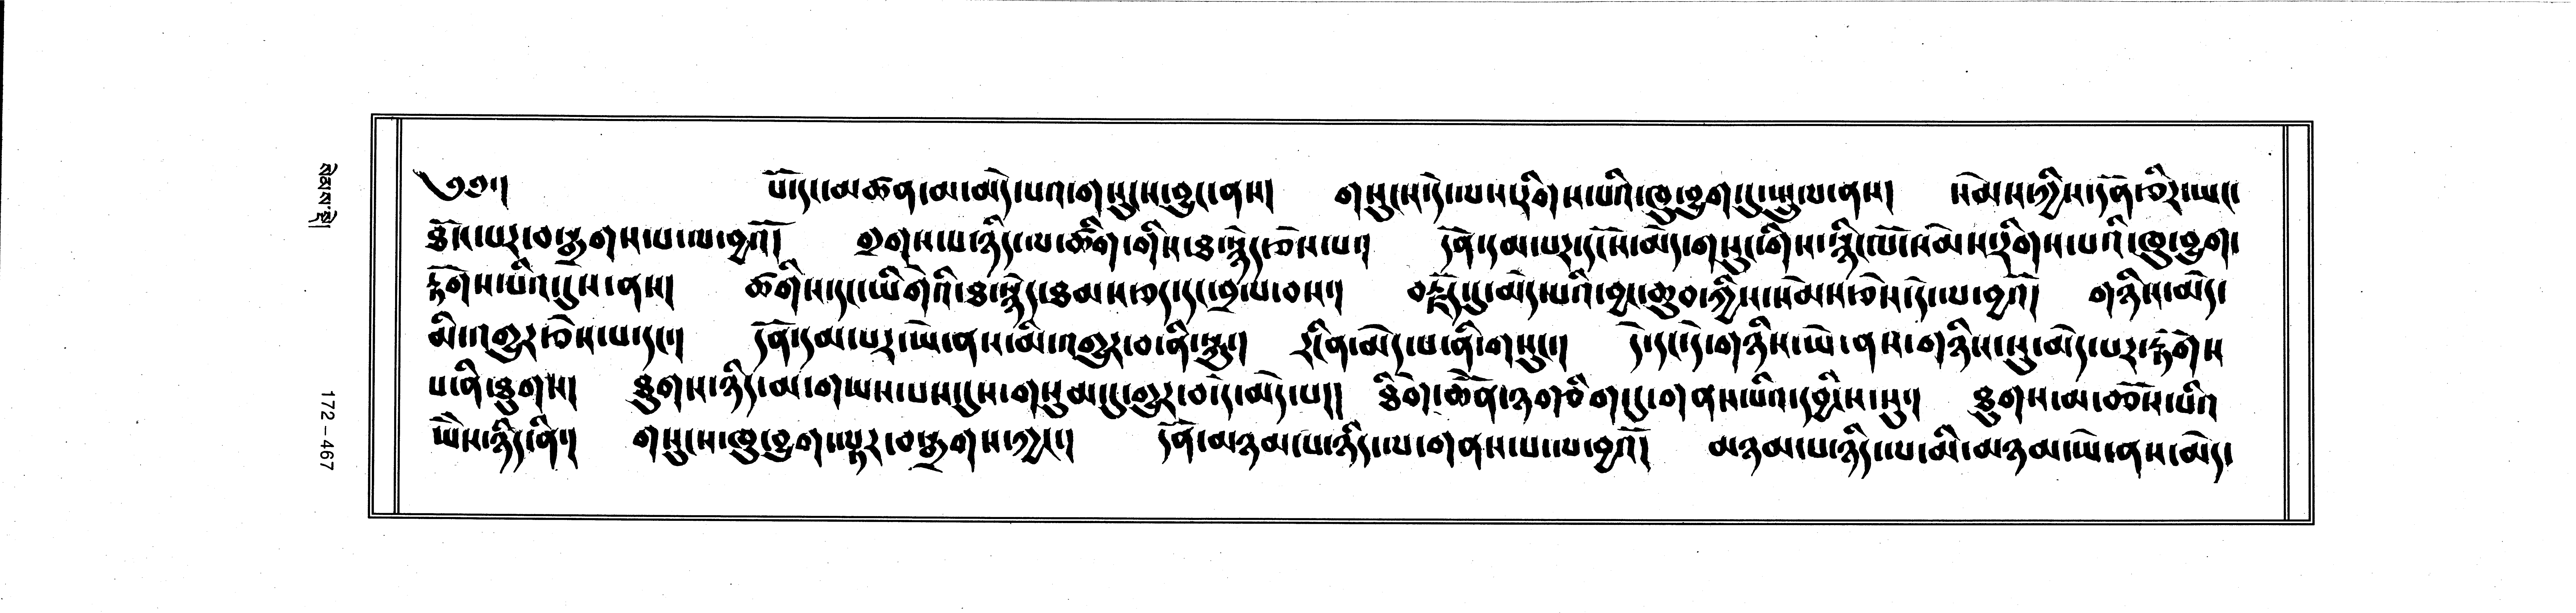པོ་དང་མཚན་མ་མེད་པའི་གསུངས་བྱུང་ནས། གསུངས་དེ་ལས་རིག་པའི་ཁུ་བྱུག་དུ་སྤྲུལ་ནས། སེམས་ཀྱིས་དོན་ཅིར་ཡང་
ཐོས་པར་བསྒྲགས་པ་ལ་བྱའོ། གྲགས་པ་ཉིད་ལ་ཚིག་གིས་ཐ་སྙེད་ཅེས་པ། དོན་དམ་པར་དངོས་མེད་གསུང་གིས་སྙིང་པོ་སེམས་རིག་པའི་ཁུ་བྱུག་
རྟོགས་པའི་དུས་ནས། ཚིག་དང་ཡི་གེའི་ཐ་སྙེད་ཐམས་ཅད་དང་བྲལ་བས། བརྗོད་དུ་མེད་པའི་བྱང་ཆུབ་སེམས་ཅེས་དེ་ལ་བྱའོ། གཉིས་མེད་
མི་འགྱུར་ཅེས་པ་དང་། དོན་དམ་པར་ཡེ་ནས་མི་འགྱུར་བ་ནི་སྐུ། རང་བཞིན་མེད་པ་ནི་གསུང་། དེ་དང་དེ་གཉིས་ཡེ་ནས་གཉིས་སུ་མེད་པར་རྟོགས་
པ་ནི་ཐུགས། ཐུགས་ཉིད་མ་གཡོས་པས་དུས་གསུམ་དུ་གྱུར་བ་དེ་མེད་པ། ཐིག་ལེ་ཆེན་པོ་ཉག་ཅིག་དུ་གནས་པའི་དབྱིངས་སུ། ཐུགས་མ་བཅོས་པའི་
ཡེ་ཤེས་ཉིད་ནི། གསུངས་ཁུ་བྱུག་ལྟར་བསྒྲགས་ཀྱང་། དོན་མཉམ་པ་ཉིད་ལ་གནས་པ་ལ་བྱའོ། མཉམ་པ་ཉིད་ལ་མི་མཉམ་ཡེ་ནས་མེད་